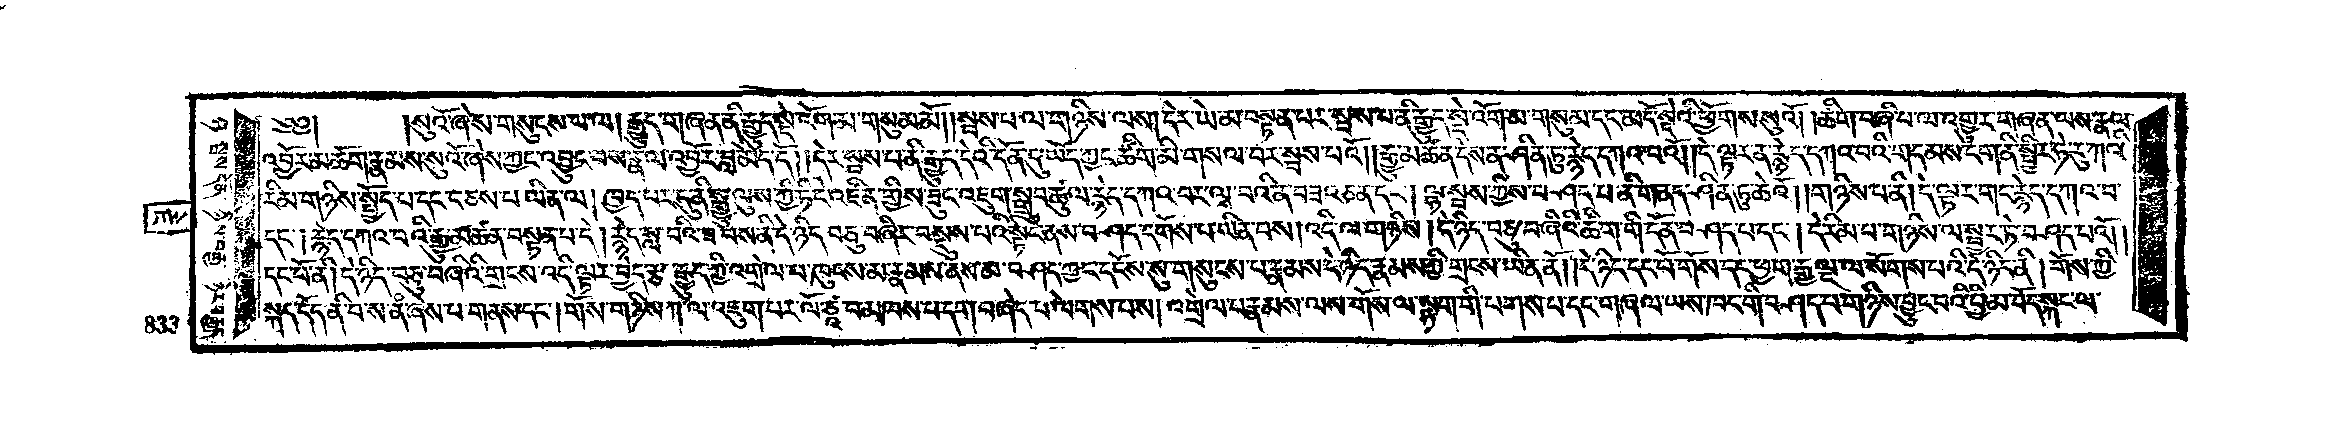༄༅། །སུའོ་ཞེས་གསུངས་པ་ལ། རྒྱུད་གཞན་ནི་རྒྱུད་སྡེ་འོག་མ་གསུམ་མོ། །སྦས་པ་ལ་གཉིས་ལས། དེར་ཡེ་མ་བསྟན་པར་སྦས་པ་ནི་རྒྱུད་སྡེ་འོག་མ་གསུམ་དང་མདོ་སྡེའི་ཕྱོགས་སུའོ། །ཚིག་བཞི་པ་ལ་འགྱུར་གཞན་ལས་རྣལ་
འབྱོར་མཆོག་རྣམས་སུའོ་ཞེས་ཀྱང་འབྱུང་བས་རྣལ་འབྱོར་བླ་མེད་དོ། །དེར་སྦས་པ་ནི་རྒྱུད་དེའི་དོན་དུ་ཡོད་ཀྱང་ཚིག་མི་གསལ་བར་སྦས་པའོ། །རྒྱུ་མཚན་དེས་ན་ཤིན་ཏུ་རྙེད་དཀའ་བའོ། །དེ་ལྟར་ན་རྙེད་དཀའ་བའི་གདམས་ངག་ནི་སྤྱིར་ཧེ་རུ་ཀའི་
རིམ་གཉིས་སྤྱོད་པ་དང་བཅས་པ་ཡིན་ལ། ཁྱད་པར་དུ་ནི་སྒྱུ་ལུས་ཀྱི་ཏིང་ངེ་འཛིན་གྱིས་ཟུང་འཇུག་སྒྲུབ་ཚུལ་རྙེད་དཀའ་བར་ལྭ་བའི་ན་བཟའ་ཅན་དང་། ལྷ་སྦས་ཀྱིས་བཤད་པ་ནི་གནད་ཤིན་ཏུ་ཆེའོ། །གཉིས་པ་ནི། དེ་ལྟར་གང་རྙེད་དཀའ་བ་
དང་། རྙེད་དཀའ་བའི་རྒྱུ་མཚན་བསྟན་པ་དེ། རྙེད་སླ་བའི་ཐབས་ནི་དེ་ཉིད་བཅུ་བཞིར་བསྡུས་པའི་སྟེང་ནས་བཤད་དགོས་པ་ཡིན་པས། འདི་ལ་གཉིས། དེ་ཉིད་བཅུ་བཞིའི་ཚིག་གི་དོན་བཤད་པ་དང་། དེ་རིམ་པ་གཉིས་ལ་སྦྱར་ཏེ་བཤད་པའོ། །
དང་པོ་ནི། དེ་ཉིད་བཅུ་བཞིའི་གྲངས་འདི་ལྟར་བྱེད་རྩ་རྒྱུད་ཀྱི་འགྲེལ་པ་ཁུངས་མ་རྣམས་ནས་མ་བཤད་ཀྱང་དངོས་སུ་གསུངས་པ་རྣམས་དེ་ཉིད་རྣམས་ཀྱི་གྲངས་ཡིན་ནོ། །དེ་ཉིད་དང་པོ་གོས་དང་ཕྱག་རྒྱ་ལྔ་ལ་སོགས་པའི་དེ་ཉིད་ནི། གོས་ཀྱི་
སྐད་དོད་ནི་བ་ས་ནཾ་ཞེས་པ་གནས་དང་། གོས་གཉིས་ཀ་ལ་འཇུག་པར་ལོ་ཙཱ་བ་མཁས་པ་དག་བཞེད་པ་ལེགས་པས། འགྲེལ་པ་རྣམས་ལས་གོས་ལ་སྟག་གི་པགས་པ་དང་གཞལ་ཡས་ཁང་གི་བཤད་པ་གཉིས་བྱུང་བའི་ཕྱི་མ་བོད་སྐད་ལ་